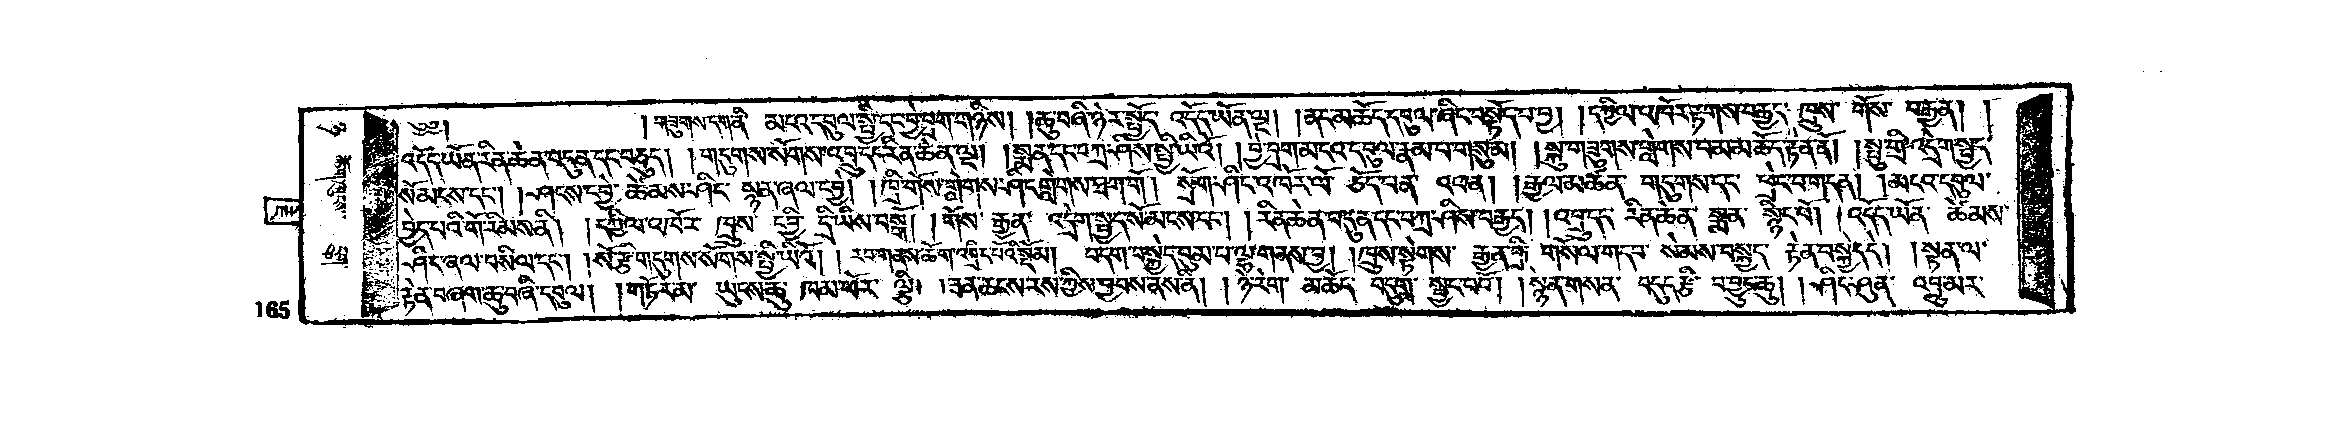༄༅། ། གཟུགས་དག་ནི་མངའ་དབུལ་སྤྱི་དང་བྱེ་བྲག་གཉིས། །ཆུ་བཞི་ཉེར་སྤྱོད་འདོད་ཡོན་ལྔ། །ནང་མཆོད་དབུལ་ཞིང་བསྟོད་པ་བྱ། །དཀྱིལ་འཁོར་རྟགས་བརྒྱད་ཁྲུས་གོས་བརྒྱན། །
འདོད་ཡོན་རིན་ཆེན་བདུན་དང་བཅུད། །གདུགས་སོགས་འབྲུ་དང་རིན་ཆེན་ལྔ། །སྨན་དང་བཀྲ་ཤིས་སྤྱི་ཡིའོ། །བྱེ་བྲག་མངའ་དབུལ་རྣམ་པ་གསུམ། །སྐུ་གཟུགས་གླེགས་བམ་མཆོད་རྟེན་ནོ། །སྤུ་གྲི་འདྲེག་སྤྱད་
སོ་མངས་དང་། །ཤངས་དབྱེ་ཚེམས་ཤིང་སྙན་ཞལ་དབྱེ། །ཁྲི་གོས་གླེགས་ཤིང་གླེགས་ཐག་གོ །སྲོག་ཤིང་འཁོར་ལོ་ཅོད་པན་འཕན། །རྒྱལ་མཚན་གདུགས་དང་ཕྲེང་བ་གདན། །མངའ་དབུལ་
བྱེད་པའི་གོ་རིམས་ནི། །དཀྱིལ་འཁོར་ཁྲུས་དབྱི་དྲི་ཡིས་བསྒོ། །གོས་རྒྱན་འདྲེག་སྤྱད་སོ་མངས་དང་། །རིན་ཆེན་བདུན་དང་བཀྲ་ཤིས་བརྒྱད། །འབྲུ་དང་རིན་ཆེན་སྨན་སྙིང་པོ། །འདོད་ཡོན་ཚེམས་
ཤིང་ཞལ་བསིལ་དང་། །སོ་རྩི་གདུགས་སོགས་སྤྱི་ཡིའོ། ། རབ་གནས་ཆོ་ག་འབྲིང་པོའི་སྡོམ།  བདག་བསྐྱེད་བུམ་པ་ལྷ་གནས་བྱ། །ཁྲུས་སྟེགས་རྒྱན་བྲི༑ གསོལ་གདབ་སེམས་བསྐྱེད་རྟེན་བསྐྱེད་དེ། །སྟན་ལ་
རྟེན་བཞག་ཆུ་བཞི་དབུལ། །གཏོར་མ་ཡུངས་ཆུ་ཁམ་ཕོར་ལྕི། །ཟན་ཆངས་རས་ཀྱིས་བྱབས་ནས་ནི། །ཉེ་རེག་མཆོད་བདུག་སྦྱང་བའོ། །སྙན་གསན་བདུད་རྩི་བ་བྱུང་ཆུ། །ཤིང་ཤུན་འབྲུ་མར་